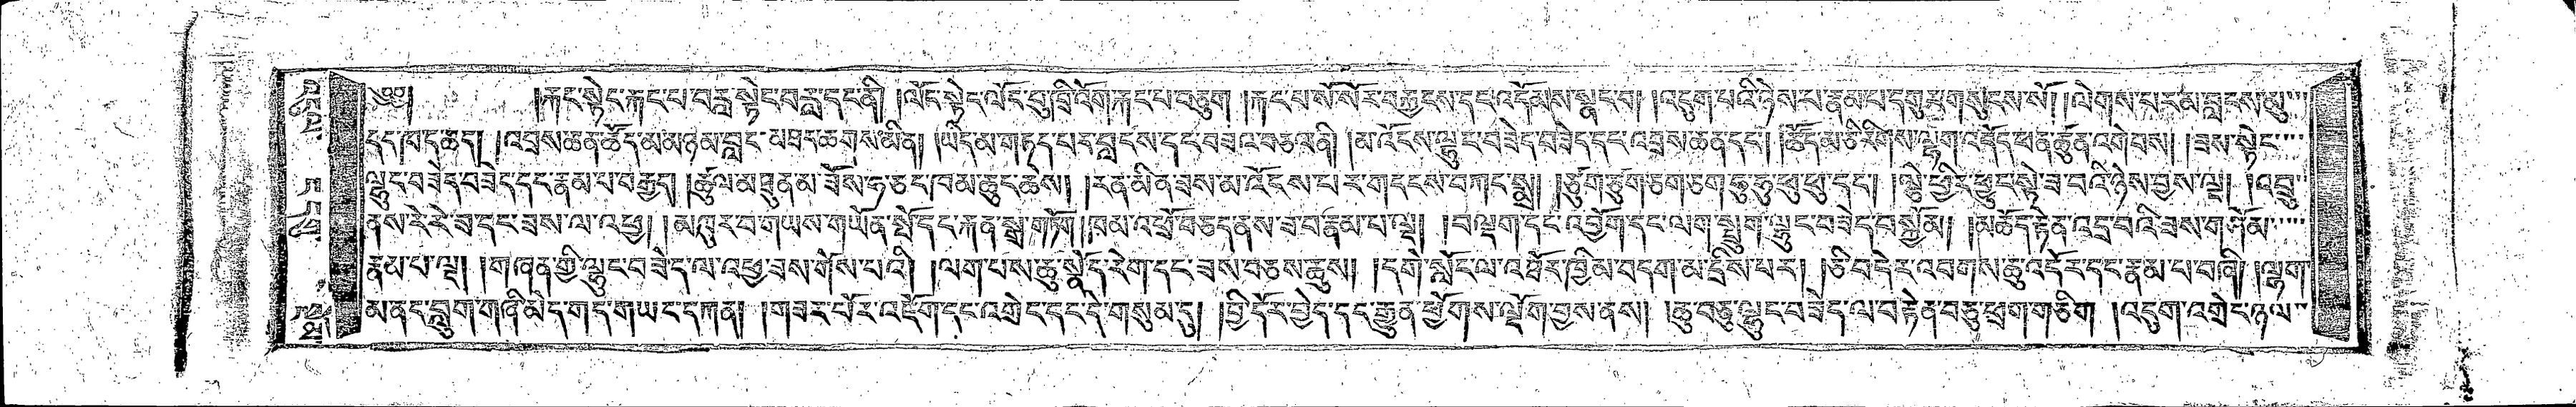༄༅། །རྐང་སྟེང་པ་རྐང་པ་བརླ་སྟེང་བརླ་དང་ནི། །ལོང་སྟེང་ལོང་བུ་ཁྲི་འོག་རྐང་པ་བཅུག །རྐང་པ་སོ་སོར་བརྐྱངས་དང་འདོམས་སྣང་བ། །འདུག་པའི་ཉེས་པ་རྣམ་པ་དགུར་གསུངས་སོ། །ལེགས་པར་མ་བླངས་མུ་
དང་ཁ་ད་ཆད། །འབྲས་ཆན་ཚོད་མ་མཉམ་བླང་མཐར་ཆགས་མིན། །ཡིད་མ་གཏད་པར་བླངས་དང་བཟའ་བཅའ་ནི། །མ་འོངས་ལྷུང་བཟེད་བཟེད་དང་འབྲས་ཆན་དང་། །ཚོད་མ་ཅི་རིགས་ལྷག་འདོད་ཕན་ཚུན་འགེབས། །ཟས་སྟེང་
ལྷུང་བཟེད་བཟེད་དང་རྣམ་པ་བརྒྱ། །ཚུལ་མཐུན་མ་ཟོས་ཧ་ཅང་ཁམ་ཆུང་ཆེས། །རན་མིན་ཟས་མ་འོངས་པར་གདངས་བཀང་སྨྲས། །ཙུག་ཙུག་ཅག་ཅག་ཧུ་ཧུ་ཕུ་ཕུ་དང་། །ལྕི་ཕྱིར་ཕུང་སྟེ་ཟ་བའི་ཉེས་བྱས་ལྔ། །འབྲུ་
ནས་རེ་རེ་ཟ་དང་ཟས་ལ་འཕྱ། །མཁུར་བ་གཡས་གཡོན་སྤོ་དང་རྐན་སྒྲ་གཏོག །ཁམ་འཕྲོ་བཅད་ནས་ཟ་བ་རྣམ་པ་ལྔ། །བལྡག་དང་འབྱོག་དང་ལག་སྤྲུ་ལྷུང་བཟེད་བསྐྱོམ། །མཆོད་རྟེན་འདྲ་བའི་ཟས་གཤོམ་
རྣམ་པ་ལྔ། །གཞན་གྱི་ལྷུང་བཟེད་ལ་འཕྱ་ཟས་གོས་པའི། །ལག་པས་ཆུ་སྣོད་རེག་དང་ཟས་བཅས་ཆུས། །དགེ་སློང་ལ་འཐོར་ཁྱིམ་བདག་མ་དྲིས་པར། །ཅི་བདེར་འབགས་ཆུ་འདོར་དང་རྣམ་པ་བཞི། །ལྷག་
མ་ནང་བླུག་གཞི་མེད་གད་གཡང་དཀན། །གཟར་པོར་འཇོག་དང་འགྲེང་དང་དེ་གསུམ་དུ། །བྱི་དོར་བྱེད་དང་རྒྱུན་ཕྱོགས་ལྡོག་བྱས་ནས། །ཆུ་བཅུ་ལྷུང་བཟེད་ལ་བརྟེན་བཅུ་ཕྲག་གཅིག །འདུག་འགྲེང་ཉལ་